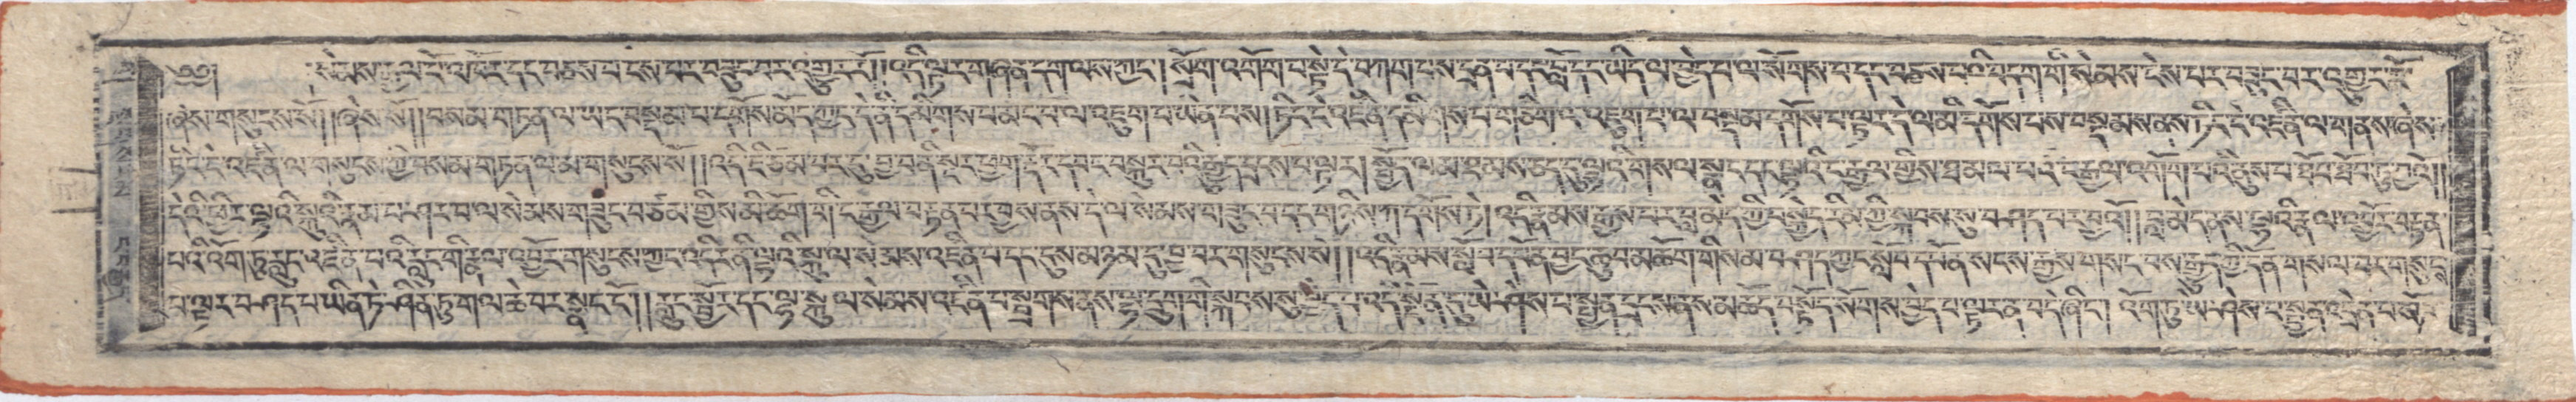༄༅། །སེམས་རྒྱལ་པོ་འཁོར་དང་བཅས་པ་ངེས་པར་བཟུང་བར་འགྱུར་རོ། །འདི་ལྟར་གཞན་དག་ལས་ཀྱང་། སྲོག་འགོག་པ་སྟེ་དེ་བཀག་པས་དྲན་པ་དང་བློ་དང་ཡིད་ལ་བྱེད་པ་ལ་སོགས་པ་དང་བཅས་པའི་བདག་གི་སེམས་ངེས་པར་བཟུང་བར་འགྱུར་རོ་
ཞེས་གསུངས་སོ། །ཞེས་སོ། །བསམ་གཏན་ལ་ཡང་བསྡམ་པ་དགོས་མོད་ཀྱང་དེ་ནི་དམིགས་པ་མང་པོ་ལ་འཇུག་པ་ཡིན་པས། ཏིང་ངེ་འཛིན་དམིགས་པ་གཅིག་ལ་འཇུག་པ་ལ་བསྡམ་དགོས་པ་ལྟར་དེ་ལ་མི་དགོས་པས་བསྡམས་ནས་ཏིང་ངེ་འཛིན་ལ་གནས་ཞེས་
ཏིང་ངེ་འཛིན་ལ་གསུངས་ཀྱི་བསམ་གཏན་ལ་མ་གསུངས་སོ། །འདི་ཇི་ཙམ་བར་དུ་བྱ་བ་ནི་སྔར་ཕྱག་རྡོར་དབང་བསྐུར་བའི་རྒྱུད་དྲངས་པ་ལྟར། སྤྱོད་ལམ་ཐམས་ཅད་དུ་ལྷའི་གསལ་སྣང་དང་ལྷའི་ང་རྒྱལ་གྱིས་ཐ་མལ་པའི་ང་རྒྱལ་འགོག་པའི་ནུས་པ་ཐོབ་ཐོབ་ཏུ་བྱའོ། །
དེའི་ཕྱིར་ལྷའི་སྐུའི་རྣམ་པ་ཤར་བ་ལ་སེམས་གཟུང་བ་ཙམ་གྱིས་མི་ཆོག་གི་ང་རྒྱལ་བརྟན་པར་བྱས་ནས་དེ་ལ་སེམས་གཟུང་བ་དང་གཉིས་ཀ་དགོས་ཏེ། འདི་རྣམས་རྒྱས་པར་བླ་མེད་ཀྱི་བསྐྱེད་རིམ་ཀྱི་སྐབས་སུ་བཤད་པར་བྱའོ། །བླ་མེད་ནས་ལྷའི་རྣལ་འབྱོར་བརྟན་
པའི་འོག་ཏུ་རླུང་འཛིན་པའི་རླུང་གི་རྣལ་འབྱོར་གསུངས་ཀྱང་འདིར་ནི་ལྷའི་སྐུ་ལ་སེམས་འཛིན་པ་དང་དུས་མཉམ་དུ་བྱ་བར་གསུངས་སོ། །འདི་རྣམས་སློབ་དཔོན་བྱང་ཆུབ་མཆོག་གིས་མ་བཤད་ཀྱང་སློབ་དཔོན་སངས་རྒྱས་གསང་བས་རྒྱུད་ཀྱི་དོན་གསལ་བར་གསུངས་
པ་ལྟར་བཤད་པ་ཡིན་ཏེ་ཤིན་ཏུ་གལ་ཆེ་བར་སྣང་ངོ། །རླུང་སྦྱོར་དང་ལྷ་སྐུ་ལ་སེམས་འཛིན་པ་སྦྲགས་ནས་ལྷ་དྲུག་གི་སྐབས་སུ་བྱེད་པ་འདི་སྔོན་དུ་ཡེ་ཤེས་པ་སྤྱན་དྲངས་ནས་མཆོད་བསྟོད་སོགས་བྱེད་པ་ལྟར་ན་བདེ་ཞིང་། འོག་ཏུ་ཡེ་ཤེས་པ་སྤྱན་འདྲེན་པ་སོགས་